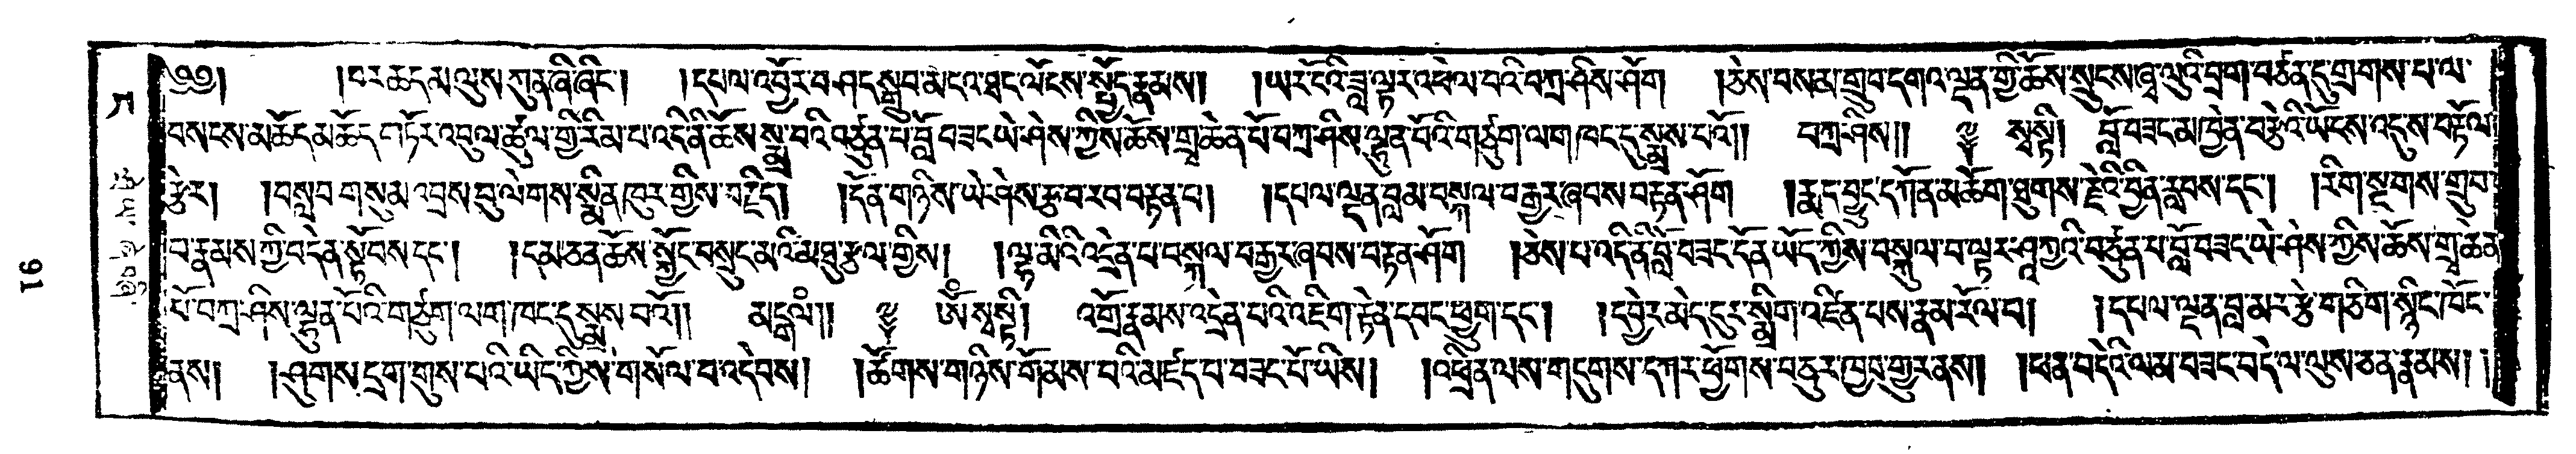༄༅། །བར་ཆད་མ་ལུས་ཀུན་ཞི་ཞིང་། །དཔལ་འབྱོར་བཤད་སྒྲུབ་མངའ་ཐང་ལོངས་སྤྱོད་རྣམས། །ཡར་ངོའི་ཟླ་ལྟར་འཕེལ་བའི་བཀྲ་ཤིས་ཤོག །ཅེས་བསམ་གྲུབ་དགའ་ལྡན་གྱི་ཆོས་སྲུངས་ཞྭ་ལུའི་བྲག་བཙན་དུ་གྲགས་པ་ལ་
བསངས་མཆོད་མཆོད་གཏོར་འབུལ་ཚུལ་གྱི་རིམ་པ་འདི་ནི་ཆོས་སྨྲ་བའི་བཙུན་པ་བློ་བཟང་ཡེ་ཤེས་ཀྱིས་ཆོས་གྲྭ་ཆེན་པོ་བཀྲ་ཤིས་ལྷུན་པོའི་གཙུག་ལག་ཁང་དུ་སྨྲས་པའོ།། བཀྲ་ཤིས།། ༈ སྭསྟི། བློ་བཟང་མཁྱེན་བརྩེའི་ཡོངས་འདུ་ས་བརྟོལ་
རྩེར། །བསླབ་གསུམ་འབྲས་བུ་ལེགས་སྨིན་ཁུར་གྱིས་བརྗིད། །དོན་གཉིས་ཡེ་ཤེས་རྩ་བ་རབ་བརྟན་པ། །དཔལ་ལྡན་བླ་མ་བསྐལ་བརྒྱར་ཞབས་བརྟན་ཤོག །རྨད་བྱུང་དཀོན་མཆོག་ཐུགས་རྗེའི་བྱིན་རླབས་དང་། །རིག་སྔགས་གྲུབ་
བ་རྣམས་ཀྱི་བདེན་སྟོབས་དང་། །དམ་ཅན་ཆོས་སྐྱོང་བསྲུང་མའི་མཐུ་རྩལ་གྱིས། །ལྷ་མིའི་འདྲེན་པ་བསྐལ་བརྒྱར་ཞབས་བརྟན་ཤོག །ཅེས་པ་འདི་ནི་བློ་བཟང་དོན་ཡོད་ཀྱིས་བསྐུལ་བ་ལྟར་ཤཱཀྱའི་བཙུན་པ་བློ་བཟང་ཡེ་ཤེས་ཀྱིས་ཆོས་གྲྭ་ཆེན་
པོ་བཀྲ་ཤིས་ལྷུན་པོའི་གཙུག་ལག་ཁང་དུ་སྨྲས་བའོ།། མངྒལཾ།། ༈ ཨོཾ་སྭསྟི། འགྲོ་རྣམས་འདྲེན་པའི་འཇིག་རྟེན་དབང་ཕྱུག་དང་། །དབྱེར་མེད་དུར་སྨྲིག་འཛིན་པས་རྣམ་རོལ་བ། །དཔལ་ལྡན་བླ་མར་རྩེ་གཅིག་སྙིང་ཁོང་
ནས། །ཤུགས་དྲག་གུས་པའི་ཡིད་ཀྱིས་གསོལ་བ་འདེབས། །ཚོགས་གཉིས་གོམས་པའི་མཛད་པ་བཟང་པོ་ཡིས། །འཕྲིན་ལས་གདུགས་དཀར་ཕྱོགས་བཅུར་ཁྱབ་གྱུར་ནས། །ཕན་བདེའི་ལམ་བཟང་བདེ་ལ་ལུས་ཅན་རྣམས། །